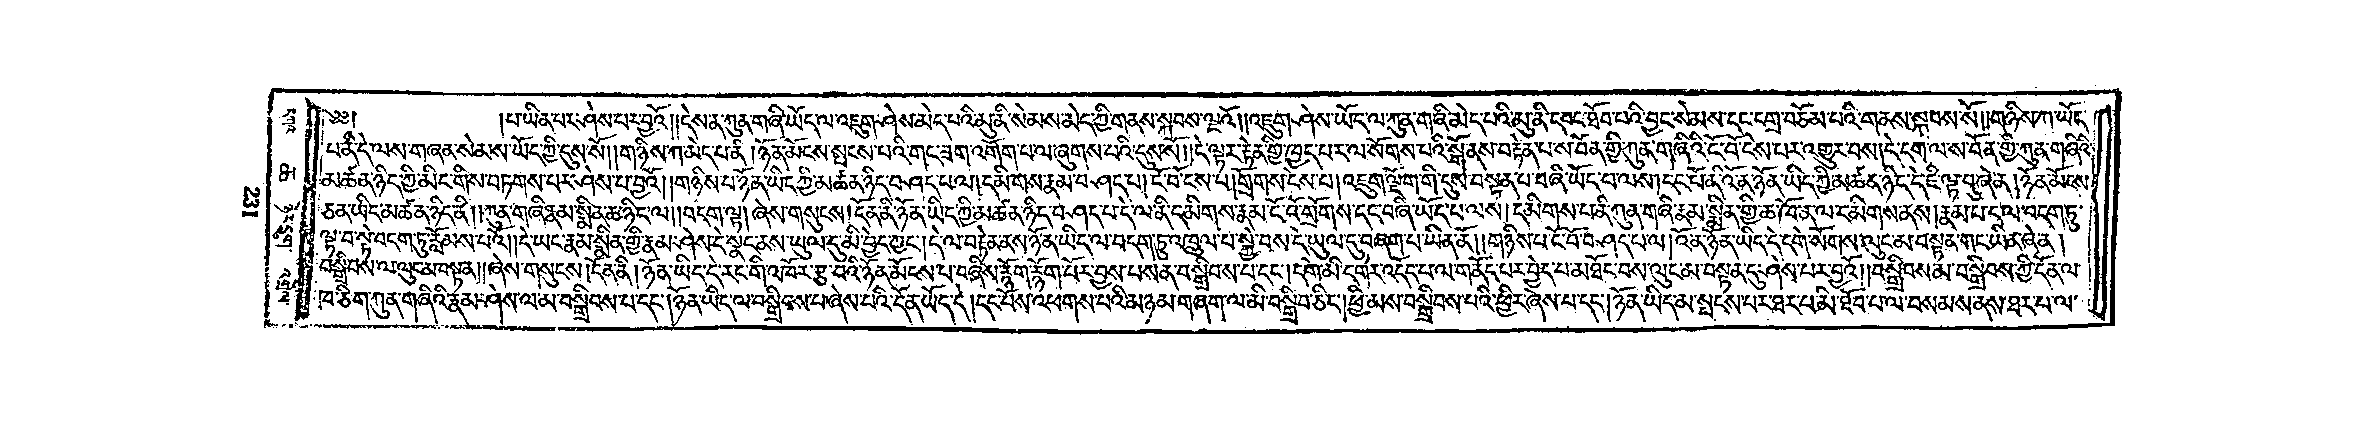༄༅། །པ་ཡིན་པར་ཤེས་པར་བྱའོ། །དེས་ན་ཀུན་གཞི་ཡོད་ལ་འཇུག་ཤེས་མེད་པའི་མུ་ནི་སེམས་མེད་ཀྱི་གནས་སྐབས་ལྔའོ། །འཇུག་ཤེས་ཡོད་ལ་ཀུན་གཞི་མེད་པའི་མུ་ནི་དབང་ཐོབ་པའི་བྱང་སེམས་དང་དགྲ་བཅོམ་པའི་གནས་སྐབས་སོ། །གཉིས་ཀ་ཡོད་
པ་ནི་དེ་ལས་གཞན་སེམས་ཡོད་ཀྱི་དུས་སོ། །གཉིས་ཀ་མེད་པ་ནི། ཉོན་མོངས་སྤངས་པའི་གང་ཟག་འགོག་པ་ལ་ཞུགས་པའི་དུས་སོ། །དེ་ལྟར་རྟེན་གྱི་ཁྱད་པར་ལ་སོགས་པའི་སྒོ་ནས་བརྟེན་པ་ས་བོན་གྱི་ཀུན་གཞིའི་ངོ་བོ་ངེས་པར་འགྱུར་བས། དེ་དག་ལ་ས་བོན་གྱི་ཀུན་གཞིའི་
མཚན་ཉིད་ཀྱི་མིང་གིས་བཏགས་པར་ཤེས་པ་བྱའོ། །གཉིས་པ་ཉོན་ཡིད་ཀྱི་མཚན་ཉིད་བཤད་པ་ལ། དམིགས་རྣམ་བཤད་པ། ངོ་བོ་ངེས་པ། གྲོགས་ངེས་པ། འཇུག་ལྡོག་གི་དུས་བསྟན་པ་བཞི་ཡོད་པ་ལས། དང་པོ་ནི་འོ་ན་ཉོན་ཡིད་ཀྱི་མཚན་ཉིད་དེ་ཇི་ལྟ་བུ་ཞེ་ན། ཉོན་མོངས་
ཅན་ཡིད་མཚན་ཉིད་ནི། །ཀུན་གཞི་རྣམ་སྨིན་ཆ་ཉིད་ལ། །བདག་ལྟ། ཞེས་གསུངས། དོན་ནི་ཉོན་ཡིད་ཀྱི་མཚན་ཉིད་བཤད་པ་དེ་ལ་ནི་དམིགས་རྣམ་ངོ་བོ་གྲོགས་དང་བཞི་ཡོད་པ་ལས། དམིགས་པ་ནི་ཀུན་གཞི་རྣམ་སྨིན་གྱི་ཆ་ཁོ་ན་ལ་དམིགས་ནས། རྣམ་པ་དལ་བདག་ཏུ་
ལྟ་བ་སྟེ་བདག་ཏུ་རློམས་པའོ། །དེ་ཡང་རྣམ་སྨིན་གྱི་རྣམ་ཤེས་དེ་སྣང་ནས་ཡུལ་དུ་མི་བྱེད་ཀྱང་། དེ་ལ་བརྟེན་ནས་ཉོ་ན་ཡིད་ལ་བདག་ཏུ་འཁྲུལ་པ་སྐྱེ་བས་དེ་ཡུལ་དུ་བཞག་པ་ཡིན་ནོ། །གཉིས་པ་ངོ་བོ་བཤད་པ་ལ། འོ་ན་ཉོན་ཡིད་དེ་དགེ་སོགས་ལུང་མ་བསྟན་གང་ཡིན་ཞེ་ན།
བསྒྲིབས་ལ་ལུང་མ་བསྟན། །ཞེས་གསུངས། དོན་ནི། ཉོན་ཡིད་དེ་རང་གི་འཁོར་རྩ་བའི་ཉོན་མོངས་པ་བཞིས་རྙོག་རྙོག་པོར་བྱས་པས་ན་བསྒྲིབས་པ་དང་། དགེ་མི་དགེར་འདོད་པ་ལ་གནོད་པར་བྱེད་པ་མཐོང་བས་ལུང་མ་བསྟན་དུ་ཤེས་པར་བྱའོ། །བསྒྲིབས་མ་བསྒྲིབས་ཀྱི་དོན་ལ་
ཁ་ཅིག་ཀུན་གཞིའི་རྣམ་ཤེས་ལ་མ་བསྒྲིབས་པ་དང་། ཉོན་ཡིད་ལ་བསྒྲིབས་པ་ཞེས་པའི་དོན་ཡོད་དེ། དང་པོས་འཕགས་པའི་མཉམ་གཞག་ལ་མི་བསྒྲིབ་ཅིང་། ཕྱི་མས་བསྒྲིབས་པའི་ཕྱིར་ཞེས་པ་དང་། ཉོན་ཡིད་མ་སྤངས་པར་ཐར་པ་མི་ཐོབ་པ་ལ་བསམས་ནས་ཐར་པ་ལ་